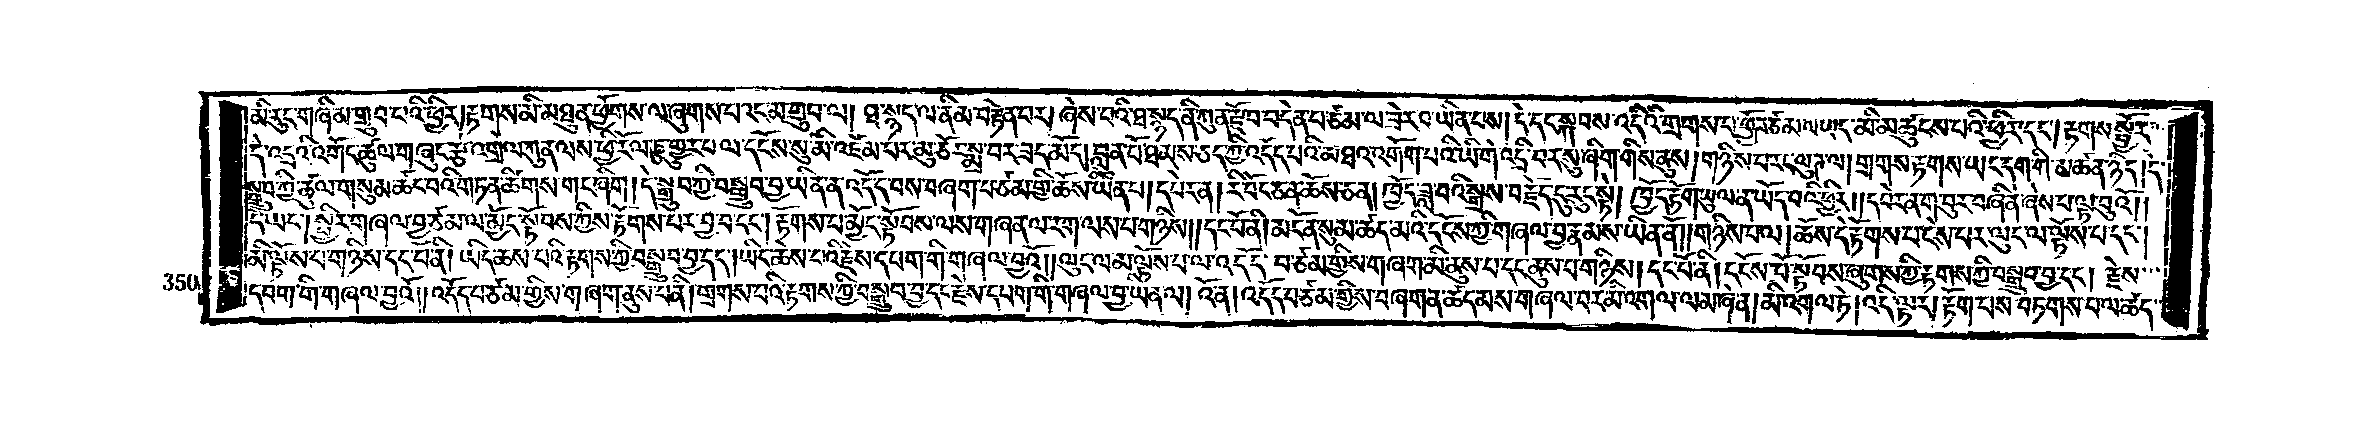མི་རུང་གཞི་མ་གྲུབ་པའི་ཕྱིར། རྟགས་མི་མཐུན་ཕྱོགས་ལ་ཞུགས་པའང་མ་གྲུབ་ལ། ཐ་སྙད་ལ་ནི་མ་བརྟེན་པར། ཞེས་པའི་ཐ་སྙད་ནི་ཀུན་རྫོབ་བདེན་པ་ཙམ་ལ་ཟེར་བ་ཡིན་པས། དེ་དང་སྐབས་འདིའི་གྲགས་པ་ཕྱོགས་ཙམ་ལ་ཡང་མི་མཚུངས་པའི་ཕྱིར་དང་། རྟགས་སྦྱོར་
དེ་འདྲའི་འགོད་ཚུལ་གཞུང་རྩ་འགྲེལ་ཀུན་ལས་ཕྱི་རོལ་ཏུ་གྱུར་པ་ལ་དངོས་སུ་མི་འཛེམ་?་པར་མུ་ཅོར་སྨྲ་བར་ཟད་མོད། བླུན་པོ་ཐམས་ཅད་ཀྱི་འདོད་པའི་མཐའ་འགོག་པའི་ཡི་གེ་འདྲི་བར་སུ་ཞིག་གིས་ནུས། གཉིས་པ་རང་ལུཌ་ལ། གྲགས་རྟགས་ཡང་དག་གི་མཚན་ཉིད། དེ་
སྒྲུབ་ཀྱི་ཚུལ་གསུམ་ཚང་བའི་གཏན་ཚིགས་གང་ཞིག །དེ་སྒྲུབ་ཀྱི་བསྒྲུབ་བྱ་ཡིན་ན་འདོད་པས་བཞག་པ་ཙམ་གྱི་ཆོས་ཡིན་པ། དཔེར་ན། རི་བོང་ཅན་ཆོས་ཅན། ཁྱོད་ཟླ་བའི་སྒྲས་བརྗོད་དུ་རུང་སྟེ། ཁྱོད་རྟོག་ཡུལ་ན་ཡོད་པའི་ཕྱིར། །དཔེར་ན་ག་བུར་བཞིན་ཞེས་པ་ལྟ་བུའོ། །
དེ་ཡང་། སྤྱིར་གཞལ་བྱ་ཙམ་ལ་མྱོང་སྟོབས་ཀྱིས་རྟོགས་པར་བྱ་བ་དང་། རྟོགས་པ་མྱོང་སྟོབས་ལས་གཞན་ལ་རག་ལས་པ་གཉིས། །དང་པོ་ནི། མངོན་སུམ་ཚད་མའི་དངོས་ཀྱི་གཞལ་བྱ་རྣམས་ཡིན་ནོ། །གཉིས་པ་ལ། ཆོས་དེ་རྟོགས་པ་ངེས་པར་ལུང་ལ་ལྟོས་པ་དང་།
མི་ལྟོས་པ་གཉིས་དང་པོ་ནི། ཡིད་ཆེས་པའི་རྟགས་ཀྱི་བསྒྲུབ་བྱ་དང་། ཡིད་ཆེས་པའི་རྗེས་དཔག་གི་གཞལ་བྱའོ། །ལུང་ལ་མ་ལྟོས་པ་ལ་འདོད་པ་ཙམ་གྱིས་གཞག་མི་ནུས་པ་དང་ནུས་པ་གཉིས། དང་པོ་ནི། དངོས་པོ་སྟོབས་ཞུགས་ཀྱི་རྟགས་ཀྱི་བསྒྲུབ་བྱ་དང་། རྗེས་
དཔག་གི་གཞལ་བྱའོ། །འདོད་པ་ཙམ་གྱིས་གཞག་ནུས་པ་ནི། གྲགས་པའི་རྟགས་ཀྱི་བསྒྲུབ་བྱ་དང་རྗེས་དཔག་གི་གཞལ་བྱ་ཡིན་ལ། འོ་ན། འདོད་པ་ཙམ་གྱིས་བཞག་ན་ཚད་མས་གཞལ་བར་མི་འགལ་ལམ་ཞེ་ན། མི་འགལ་ཏེ། འདི་ལྟར། རྟོག་པས་བཏགས་པ་ལ་ཚད་